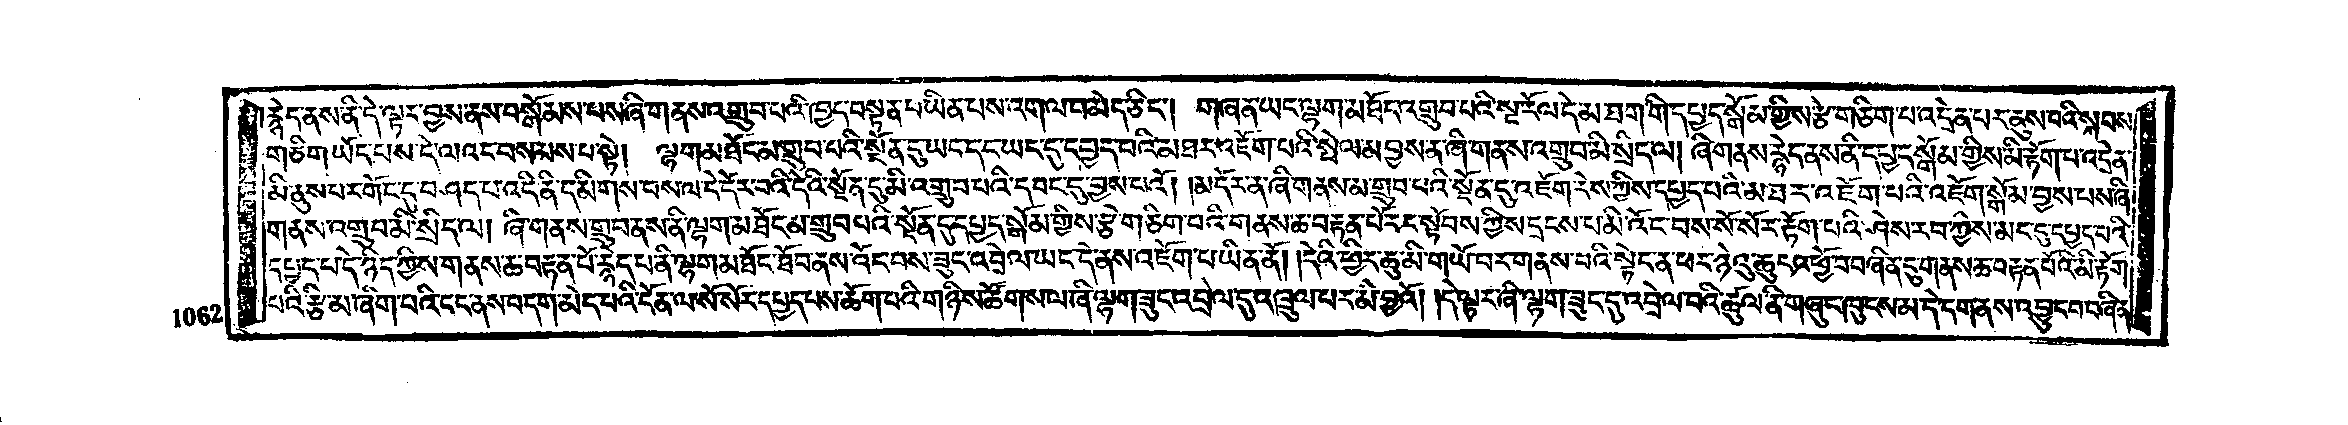རྙེད་ནས་ནི་དེ་ལྟར་བྱས་ནས་བསྒོམས་པས་ཞི་གནས་འགྲུབ་པའི་ཁྱད་བསྟན་པ་ཡིན་པས་འགལ་བ་མེད་ཅིང་། གཞན་ཡང་ལྷག་མཐོང་འགྲུབ་པའི་སྔ་རོལ་དེ་མ་ཐག་གི་དཔྱད་སྒོམ་གྱིས་རྩེ་གཅིག་པ་འདྲེན་པར་ནུས་པའི་སྐབས་
གཅིག་ཡོད་པས་དེ་ལའང་བསམས་པ་སྟེ། ལྷག་མཐོང་མ་གྲུབ་པའི་སྔོན་དུ་ཡང་དང་ཡང་དུ་དཔྱད་པའི་མཐར་འཇོག་པའི་སྤེལ་མ་བྱས་ན་ཞི་གནས་འགྲུབ་མི་སྲིད་ལ། ཞི་གནས་རྙེད་ནས་ནི་དཔྱད་སྒོམ་གྱིས་མི་རྟོག་པ་འདྲེན་
མི་ནུས་པར་གོང་དུ་བཤད་པ་འདི་ནི་དམིགས་བསལ་དེ་དོར་བའི་དེའི་སྔོན་དུ་མི་འགྲུབ་པའི་དབང་དུ་བྱས་པའོ། །མདོར་ན་ཞི་གནས་མ་གྲུབ་པའི་སྔོན་དུ་འཇོག་རེས་ཀྱིས་དཔྱད་པའི་མཐར་འཇོག་པའི་འཇོག་སྒོམ་བྱས་པས་ཞི་
གནས་འགྲུབ་མི་སྲིད་ལ། ཞི་གནས་གྲུབ་ནས་ནི་ལྷག་མཐོང་མ་གྲུབ་པའི་སྔོན་དུ་དཔྱད་སྒོམ་གྱིས་རྩེ་གཅིག་པའི་གནས་ཆ་བརྟན་པོ་རང་སྟོབས་ཀྱིས་དྲངས་པ་མི་འོང་བས་སོ་སོར་རྟོག་པའི་ཤེས་རབ་ཀྱིས་མང་དུ་དཔྱད་པའི་
དཔྱད་པ་དེ་ཉིད་ཀྱིས་གནས་ཆ་བརྟན་པོ་རྙེད་པ་ནི་ལྷག་མཐོང་ཐོབ་ནས་འོང་བས་ཟུང་འབྲེལ་ཡང་དེ་ནས་འཇོག་པ་ཡིན་ནོ། །དེའི་ཕྱིར་ཆུ་མི་གཡོ་བར་གནས་པའི་སྟེང་ན་ཕར་ཉེའུ་ཆུང་འཕྱོ་བ་བཞིན་དུ་གནས་ཆ་བརྟན་པོའི་མི་རྟོག་
པའི་རྩི་མ་ཞིག་པའི་ངང་ནས་བདག་མེད་པའི་དོན་ལ་སོ་སོར་དཔྱད་པས་ཆོག་པའི་གཉིས་ཚོགས་ལ་ཞི་ལྷག་ཟུང་འབྲེལ་དུ་འཁྲུལ་བར་མི་བྱའོ། །དེ་ལྟར་ཞི་ལྷག་ཟུང་དུ་འབྲེལ་བའི་ཚུལ་ནི་གཞུང་ཁུངས་མ་དེ་དག་ནས་འབྱུང་བ་བཞིན་